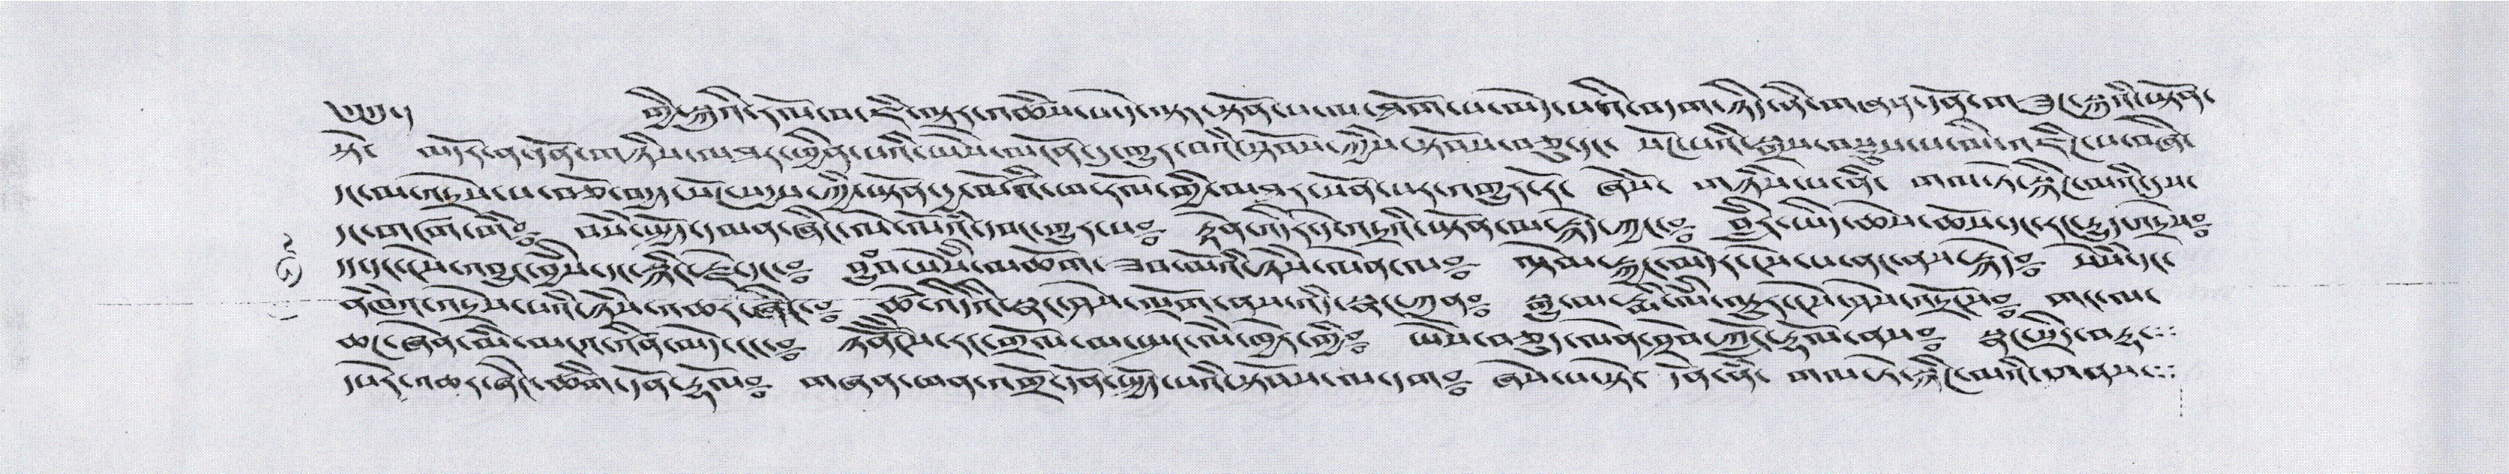གྱི་སྐུ་ཡི་རོལ་པ་ཇི་ལྟར་འཚམས་པ་དེ་ལྟར་སྟོན་པ་ལ་ཐོགས་པ་མེད་པའི་བདག་ཉིད་ནི་གཞན་དོན་གཞན་དོན་གཟུགས་སྐུའི་ཡོན་ཏན་
ཏེ། མདོར་ན་དོན་གཉིས་མཐར་ཕྱིན་པའི་ཡེ་ཤེས་མངོན་དུ་གྱུར་པའི་སྟོབས་ཀྱིས་སྟོབས་བཅུ་དང་སོགས་པའི་སྒྲས་བསྡུས་པ་མི་འཇིགས་པ་བཞི་
དང་མ་འདྲེས་པ་བཅོ་བརྒྱད་སོགས་སངས་རྒྱས་ཀྱི་ཡོན་ཏན་རྒྱ་མཚོའི་ཕ་རོལ་གྱི་མཐར་སོན་པར་འགྱུར་རོ། ཞེས་སོ། གཉིས་པ་ནི། གལ་ཏེ་སྙིགས་མའི་དུས་
དང་གང་ཟག་གིཿ སེམས་སྤྱོད་དམན་ཞིང་ལེ་ལོའི་དབང་གྱུར་པཿ རྟེན་འདིར་དེ་འདྲའི་ཡོན་ཏན་མ་རྙེད་ཀྱངཿ བླ་མར་ཡིད་ཆེས་ཆོས་དང་རང་རྒྱུད་འདྲེསཿ 
དད་དང་ངེས་འབྱུང་བྱམས་དང་སྙིང་རྗེ་དངཿ བྱང་ཆུབ་སེམས་མཆོག་ཟབ་མོའི་ཉམས་ལེན་ལཿ ལྡེམ་རྐྱང་མེད་པར་ངེས་པ་ནང་ནས་རྙེདཿ སེམས་དང་
ནམ་མཁའ་འདྲེས་པའི་ཉམས་འཆར་ཞིངཿ ཚེ་འདིའི་སྣང་ཤེས་ལྡོག་ནས་འདི་སྣང་ཀུནཿ སྒྱུ་མ་རྨི་ལམ་ལྟ་བུར་ངེས་ཤེས་འདྲོངསཿ གང་ལ་
ཆགས་ཞེན་མི་མངའ་འཛིན་མེད་ངངཿ ཉོན་མོངས་རང་གྲོལ་མ་སྤངས་ལམ་ཁྱེར་གྱིཿ ཡེ་ཤེས་བཅུད་ལེན་ཤེས་རབ་ཀློང་བརྡོལ་ནསཿ སྣང་སྲིད་བརྡ་
དཔེར་འཆར་ཞིང་ཚིག་དོན་རྡོལཿ གཞན་ཕན་འགྲོ་དོན་སྤྱོད་པའི་སྟོབས་ལ་དགཿ ཞེས་པ་སྟེ། དོན་ནི། གལ་ཏེ་སྙིགས་མའི་གནས་